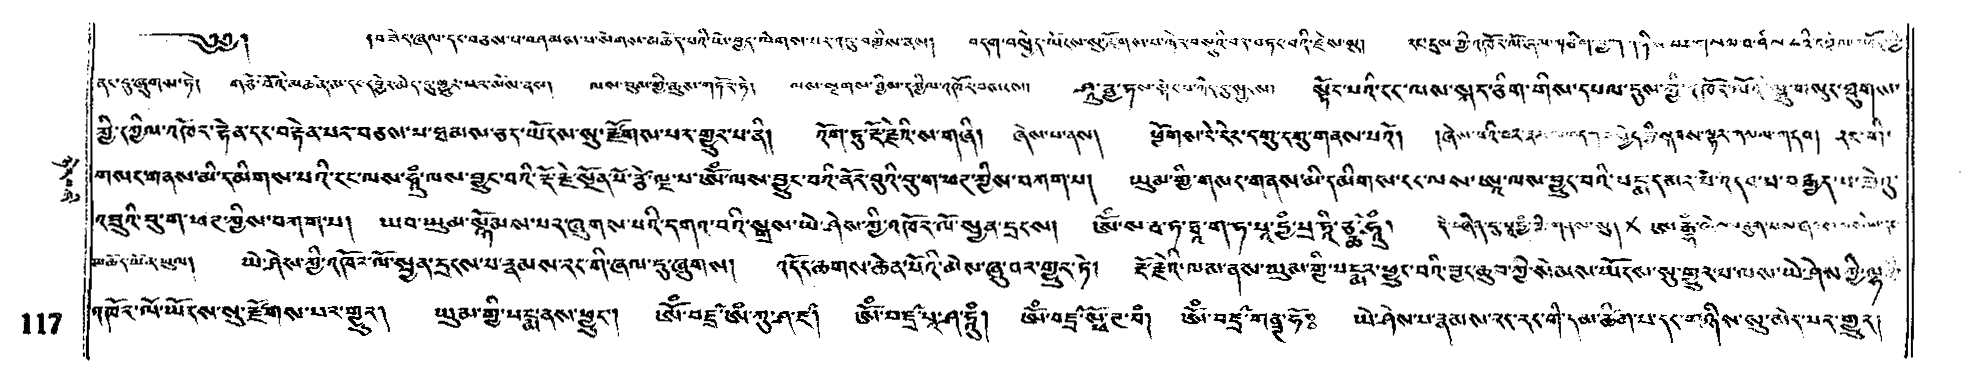༄༅། །བཟེད་ཞལ་དང་བཅས་པ་བཤམས་པ་སོགས་མཆོད་པའི་ཡོ་བྱད་ལེགས་པར་འདུ་བགྱིས་ནས། བདག་བསྐྱེད་ཡོངས་སུ་རྫོགས་པ་ཉེར་བསྡུའི་བར་བཏང་བའི་རྗེས་སུ། རང་དུས་ཀྱི་འཁོར་ལོ་ཞལ་གཅིག་ཕྱག་གཉིས་པར་གསལ་བ་ཤིས་པའི་དཀྱིལ་འཁོར་གྱི་
ནང་དུ་ཞུགས་ཏེ། གཙོ་བོའི་མཚན་མ་དང་དབྱེར་མེད་དུ་གྱུར་མོས་ནས། ལས་བུམ་གྱི་ཆུས་གཏོར་ཏེ། ལས་སྔགས་ཀྱིས་དཀྱིལ་འཁོར་བསངས། ཤཱུ་ནྱ་ཏས་སྟོང་པ་ཉིད་དུ་སྤྱངས། སྟོང་པའི་ངང་ལས་སྐད་ཅིག་གིས་དཔལ་དུས་ཀྱི་འཁོར་ལོའི་སྐུ་གསུང་ཐུགས་
ཀྱི་དཀྱིལ་འཁོར་རྟེན་དང་བརྟེན་པར་བཅས་པ་ཐམས་ཅད་ཡོངས་སུ་རྫོགས་པར་གྱུར་པ་ནི། འོག་ཏུ་རྡོ་རྗེའི་ས་གཞི། ཞེས་པ་ནས།  ཕྱོགས་རེ་དེར་དགུ་དགུ་གནས་པའོ། །ཞེས་པའི་བར་རྣམས་བདག་བསྐྱེད་ཀྱི་སྐབས་ལྟར་གསལ་གདབ།  རང་གི་
གསང་གནས་མི་དམིགས་པའི་ངང་ལས་ཧཱུཾ་ལས་བྱུང་བའི་རྡོ་རྗེ་སྔོན་པོ་རྩེ་ལྔ་པ་ཨོཾ་ལས་བྱུང་བའི་ནོར་བུའི་བུ་ག་ཕཊ་ཀྱིས་བཀག་པ། ཡུམ་གྱི་གསང་གནས་མི་དམིགས་ངང་ལས་ཨཱ་ལས་བྱུང་བའི་པདམ་དམར་པོ་འདབ་པ་བརྒྱད་པ་ཟེའུ་
འབྲུའི་བུ་ག་ཕཊ་ཀྱིས་བཀག་པ། ཡབ་ཡུམ་སྙོམས་པར་ཞུགས་པའི་དགའ་བའི་སྒྲས་ཡེ་ཤེས་ཀྱི་འཁོར་ལོ་སྤྱན་དྲངས། ཨོཾ་སརྦ་ཏ་ཐཱ་ག་ཏ་པཱ་དྱཾ་པྲ་ཏཱི་ཙྪ་ཧཱུཾ། དེ་བཞིན་དུ་པཱ་དྱཾ་གྱི་གནས་སུ། ྾་ཨརྒྷཾ་ཞེས་བཅུག་པས་ཞབས་བསལ་དང་
མཆོད་ཡོན་ཡུལ། ཡེ་ཤེས་ཀྱི་འཁོར་ལོ་སྤྱན་དྲངས་པ་རྣམས་རང་གི་ཞལ་དུ་ཞུགས། འདོད་ཆགས་ཆེན་པོའི་མེས་ཞུ་བར་གྱུར་ཏེ། རྡོ་རྗེའི་ལམ་ནས་ཡུམ་གྱི་པདམར་ཕྱུང་བའི་བྱང་ཆུབ་ཀྱི་སེམས་ཡོངས་སུ་གྱུར་པ་ལས་ཡེ་ཤེས་ཀྱི་ལྷའི་
འཁོར་ལོ་ཡོངས་སུ་རྫོགས་པར་གྱུར། ཡུམ་གྱི་པདམ་ནས་ཕྱུང་། ཨོཾ་བཛྲ་ཨཾ་ཀུ་ཤ་ཛ། ཨོཾ་བཛྲ་པཱ་ཤ་ཧཱུཾ། ཨོཾ་བཛྲ་སྥོ་ཊ་བཾ། ཨོཾ་བཛྲ་གཎྜ་ཧོཿ ཡེ་ཤེས་པ་རྣམས་རང་རང་གི་དམ་ཚིག་པ་དང་གཉིས་སུ་མེད་པར་གྱུར།